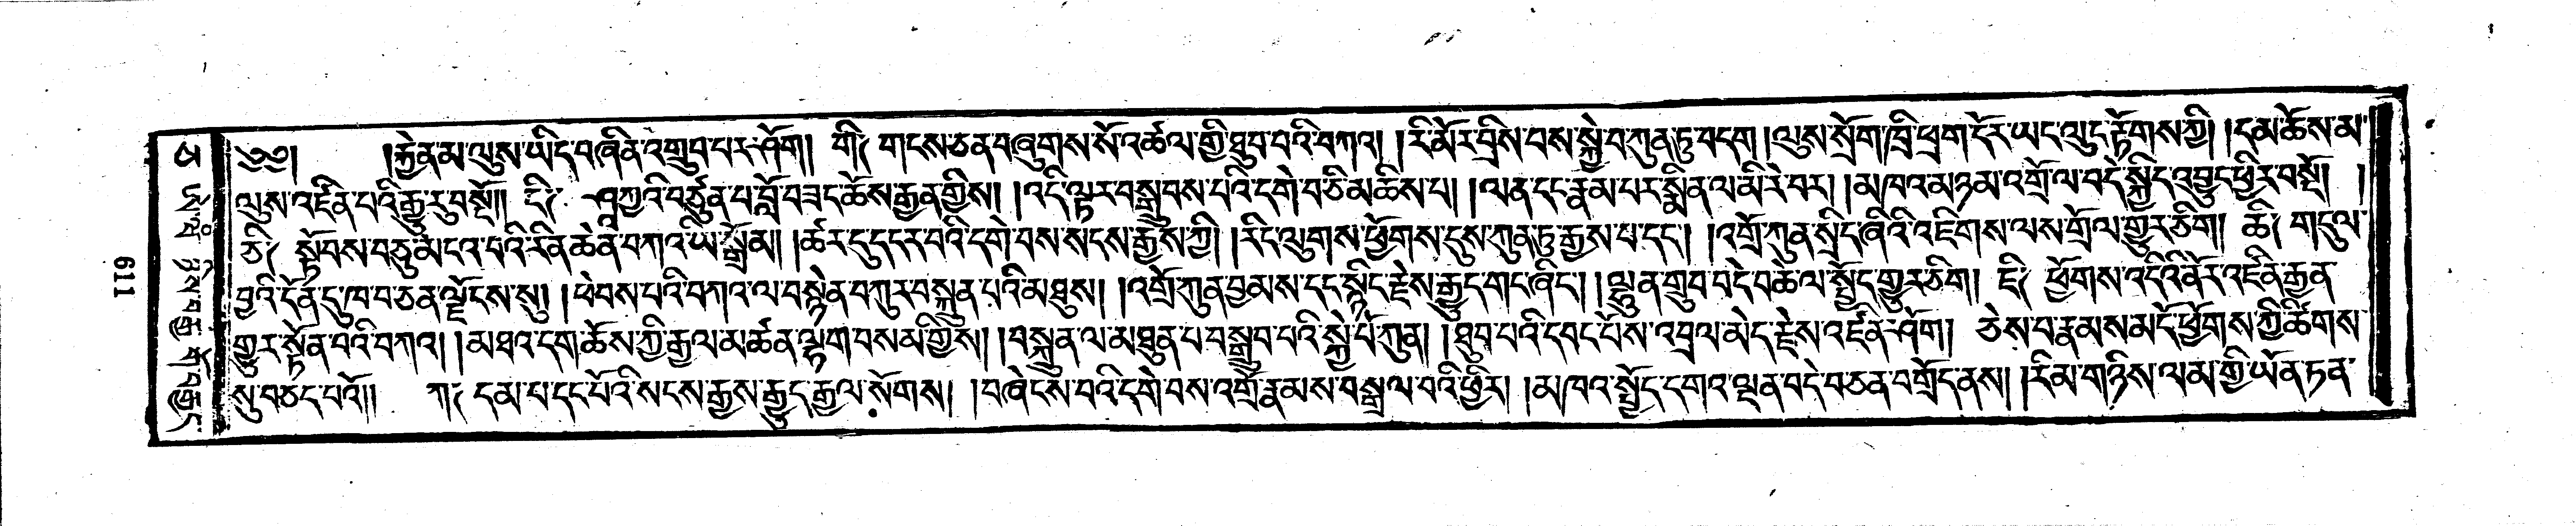༄༅། །རྐྱེན་མ་ལུས་ཡིད་བཞིན་འགྲུབ་པར་ཤོག །གི༑ གངས་ཅན་བཞུགས་སོ་འཚལ་གྱི་ཐུབ་པའི་བཀའ། །རི་མོར་བྲིས་པས་སྐྱེ་བ་ཀུན་ཏུ་བདག །ལུས་སྲོག་ཁྲི་ཕྲག་དོར་ཡང་ལུང་རྟོགས་ཀྱི། །དམ་ཆོས་མ་
ལུས་འཛིན་པའི་རྒྱུ་རུ་བསྔོ།། དི༑ ཤཱཀྱའི་བཙུན་པ་བློ་བཟང་ཆོས་རྒྱན་གྱིས། །འདི་ལྟར་བསྒྲུབས་པའི་དགེ་བ་ཅི་མཆིས་པ། །ལན་དང་རྣམ་པར་སྨིན་ལ་མི་རེ་བར། །མཁའ་མཉམ་འགྲོ་ལ་བདེ་སྐྱིད་འབྱུང་ཕྱིར་བསྔོ། །
ཅི༑ སྟོབས་བཅུ་མངའ་བའི་རིན་ཆེན་བཀའ་ཡི་སྒྲོམ། །ཚར་དུ་དངར་བའི་དགེ་བས་སངས་རྒྱས་ཀྱི། །རིང་ལུགས་ཕྱོགས་དུས་ཀུན་ཏུ་རྒྱས་པ་དང་། །འགྲོ་ཀུན་སྲིད་ཞིའི་འཇིགས་ལས་གྲོལ་གྱུར་ཅིག །ཆི༑ གདུལ་
བྱའི་དོན་དུ་ཁ་བ་ཅན་ལྗོངས་སུ། །ཕེབས་པའི་བཀའ་ལ་བསྙེན་བཀུར་བསྐྲུན་པའི་མཐུས། །འགྲོ་ཀུན་བྱམས་དང་སྙིང་རྗེས་རྒྱུད་གང་ཞིང་། །ལྷུན་གྲུབ་བདེ་བ་ཆེ་ལ་སྤྱོད་གྱུར་ཅིག །ཇི༑ ཕྱོགས་འདིའི་ནོར་འཛིན་རྒྱན་
གྱུར་སྟོན་པའི་བཀའ། །མཐའ་དག་ཆོས་ཀྱི་རྒྱལ་མཚན་ལྷག་བསམ་གྱིས། །བསྐྲུན་ལ་མཐུན་པ་བསྒྲུབ་པའི་སྐྱེ་བོ་ཀུན། །ཐུབ་པའི་དབང་པོས་འབྲལ་མེད་རྗེས་འཛིན་ཤོག །ཅེས་པ་རྣམས་མདོ་ཕྱོགས་ཀྱི་ཚིགས་
སུ་བཅད་པའོ།། ཀ༑ དམ་པ་དང་པོའི་སངས་རྒྱས་རྒྱུད་རྒྱལ་སོགས། །བཞེངས་པའི་དགེ་བས་འགྲོ་རྣམས་བསྒྲལ་བའི་ཕྱིར། །མཁའ་སྤྱོད་དགའ་ལྡན་བདེ་བ་ཅན་འགྲོད་ནས། །རིམ་གཉིས་ལམ་གྱི་ཡོན་ཏན་